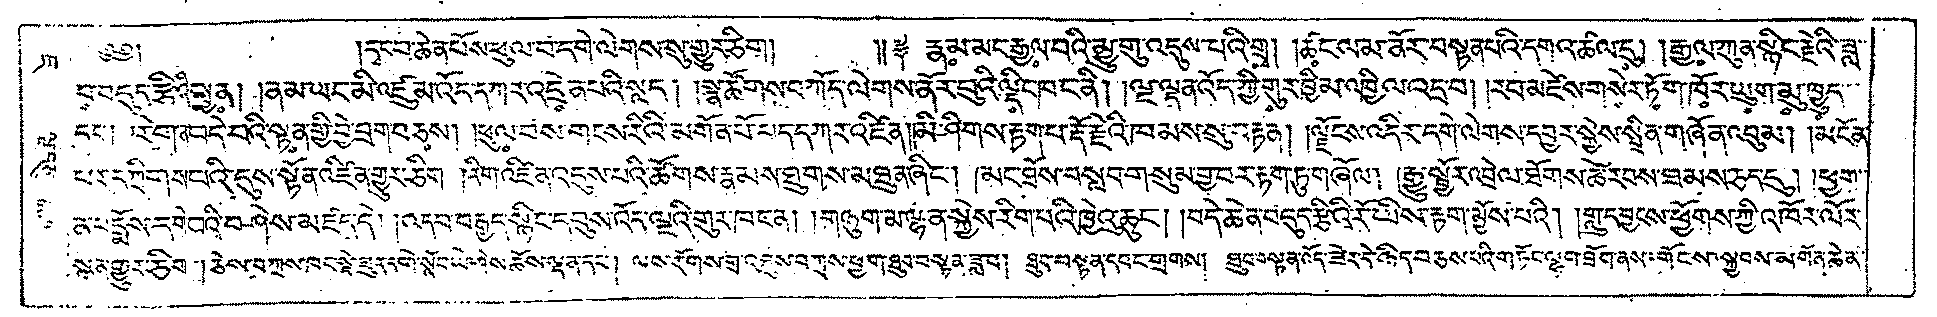༄༅། །དྭང་བ་ཆེན་པོས་ཕུལ་བ་དགེ་ལེགས་སུ་གྱུར་ཅིག ། །། ༈ རྣམ྾་མང་རྒྱལ྾་བའི་མྱུ་གུ་འདུས་པའི་གྲྭ྾། །ཚང྾་ལ་མ་ནོར་བསྟན་པའི་དགའ་ཚལ་དུ྾། །རྒྱལ྾་ཀུན་སྙིང་རྗེའི་ཟླ་
བ྾་བདུད་རྩིའི་སྤྱན྾། །ནམ་ཡང་མི་འཛུམ་འོད་དཀར་འདྲེན྾་པའི་སླད། །སྣ་ཚོགས་བཀོད་ལེགས་ནོར་བུའི་ལྡིང྾་ཁང་ནི། །ལྔ་ལྡན་འོད་ཀྱི་གུར྾་ཁྱིམ་འཁྱིལ་འདྲ་བ། །རབ་མཛེས་གསེར྾་ཏོག྾་ཁོར྾་ཡུག྾་མུ྾་ཁྱུད྾་
དང་། །རེག་ན་བདེ་བའི་སྟན྾་གྱི་བྱེ་བྲག་བཅས྾། །ཕུལ྾་བས་གངས་རིའི་མགོན་པོ་པད་དཀར་འཛིན། །མི་ཤིགས་རྟག་པ་རྡོ་རྗེའི་ཁམས་སུ་བརྟན། །ལྗོངས་འདིར་དགེ་ལེགས་དབྱར་སྐྱེས་སྤྲིན་གཞོན་འབུམ། །མངོན་
པར་དཀྲིགས་པའི་དུས་སྟོན་འཛིན་གྱུར་ཅིག །རིག་འཛིན་འདུས་པའི་ཚོགས་རྣམས་ཐུགས་མཐུན་ཞིང་། །མང་ཐོས་བསླབ་གསུམ་བྱ་བར་རྟག་ཏུ་གཞོལ། །རྒྱུ་སྦྱོར་འབྲེལ་ཐོགས་ཚེ་རབས་ཐམས་ཅད་དུ། །ཕྱག་
ན་པདམོས་དགེ་བའི་བཤེས་མཛད་དེ། །འདབ་བརྒྱད་སྙིང་དབུས་འོད་ལྔའི་གུར་ཁང་ན། །གཉུག་མ་ལྷན་སྐྱེས་རིག་པའི་ཁྱེའུ་ཆུང་། །བདེ་ཆེན་བདུད་རྩིའི་རོ་ཡིས་རྟག་མྱོས་པའི། །གླུ་དབྱངས་ཕྱོགས་ཀྱི་འཁོར་ལོར་
སྙན་གྱུར་ཅིག །ཅེས་བཀྲས་ཁང་སྡེ་ཟུར་དགེ་སློང་ཡེ་ཤེས་ཆོས་ལྡན་དང་། ལས་རོགས་གྲ་འཐུས་བཀྲས་ཕྱག་ཐུབ་བསྟན་ཟླ་བ། ཐུབ་བསྟན་དབང་གྲགས། །ཐུབ་བསྟན་འོད་ཟེར་དེ་ཉིད་བཅས་པའི་གཏོང་ལྷག་ཐོག་ནས་༧གོང་ས་༧སྐྱབས་མགོན་ཆེན་